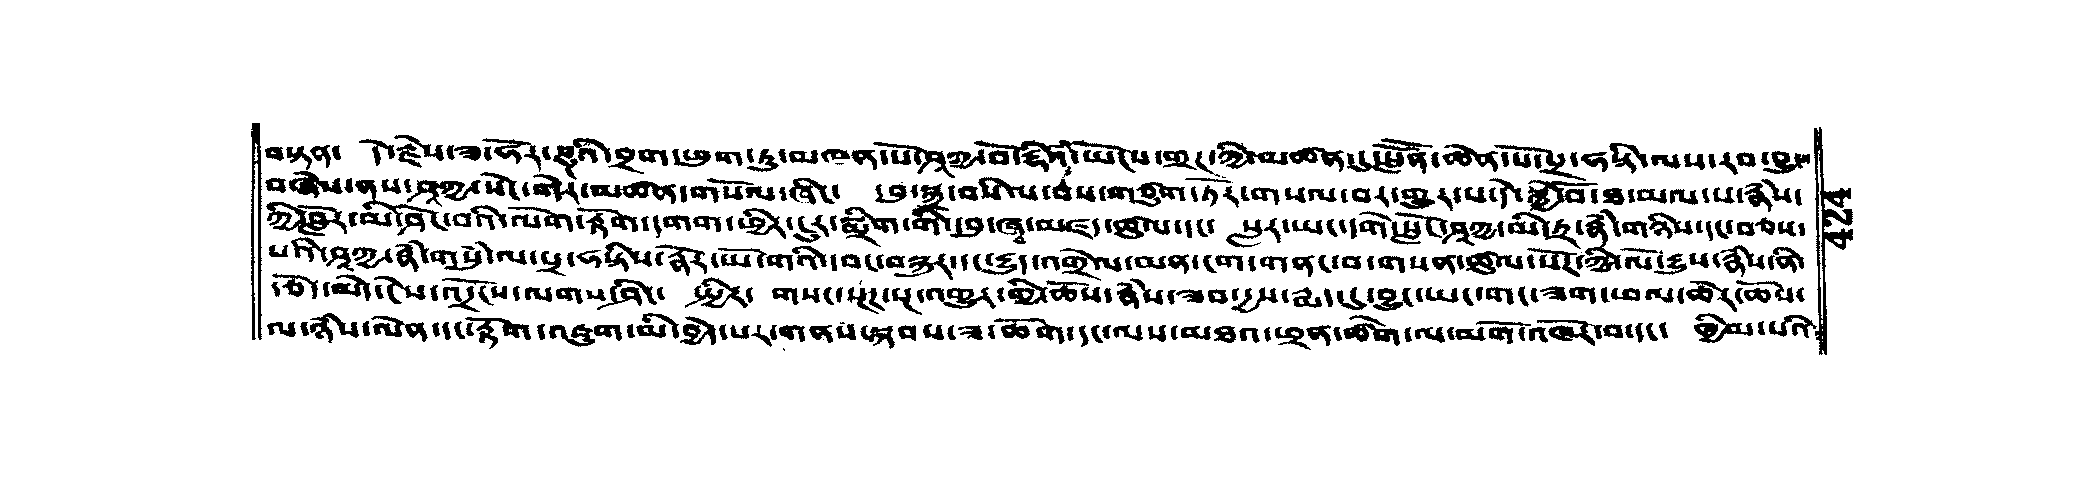བསྟན། དེ་རྗེས་ཟ་ཧོར་ཎྜའི་བྲག་ཕུག་ཏུ་མཁན་པོ་ཤཱཀྱ་བོ་དྷིའམ་ཡོངས་གྲགས་ཀྱི་མཚན་དུ་སློབ་དཔོན་ཆེན་པོ་པྲ་ཧ་སྟི་ལས་རབ་བྱུང་
བཞེས་ནས་ཤཱཀྱ་སེང་གེར་མཚན་གསོལ་ཞིང་། དབུ་སྐྲ་བསིལ་བས་གཙུག་ཏོར་གསལ་བར་གྱུར་པ་དེ་སྐྱེ་བོ་ཐ་མལ་པ་རྣམས་
ཀྱི་བློར་མི་ཤོང་བའི་ལོག་རྟོག་དགག་ཕྱིར་ངུར་སྨྲིག་གི་དབུ་ཞྭ་མཛད་ཚུལ་དང་། སླར་ཡང་དགེ་སློང་ཤཱཀྱ་མི་ཏྲ་རྣམ་གཉིས་དང་བཅས་
པའི་ཤཱཀྱ་རྣམ་གསུམ་ལ་པྲ་བྷ་ཧ་སྟིས་རྣལ་འབྱོར་ཡོ་གའི་དབང་བསྐུར་དང་རྒྱུད་འགྲེལ་མན་ངག་གནང་ནས་གསན་ཚུལ་སོགས་ཀྱི་ལོ་རྒྱུས་རྣམས་ནི་
རྩོད་མེད་ངེས་འདྲོངས་ལགས་ཤིང་། སྤྱིར། གསང་སྔགས་སྔ་འགྱུར་གྱི་ཆོས་རྣམས་ཟབ་རྒྱས་རྨད་དུ་བྱུང་ཡང་གང་ཟག་ཕལ་ཆེར་ཆོས་
ལ་ཉམས་ལེན་དང་རྟོག་འཇུག་མི་བྱེད་པར་གནས་སྐབས་ཟ་ཆོག་དང་ལས་མཐའ་ཕྲན་ཚེགས་ལ་མགོ་འཁོར་བ་དང་། ཁྱིམ་པའི་